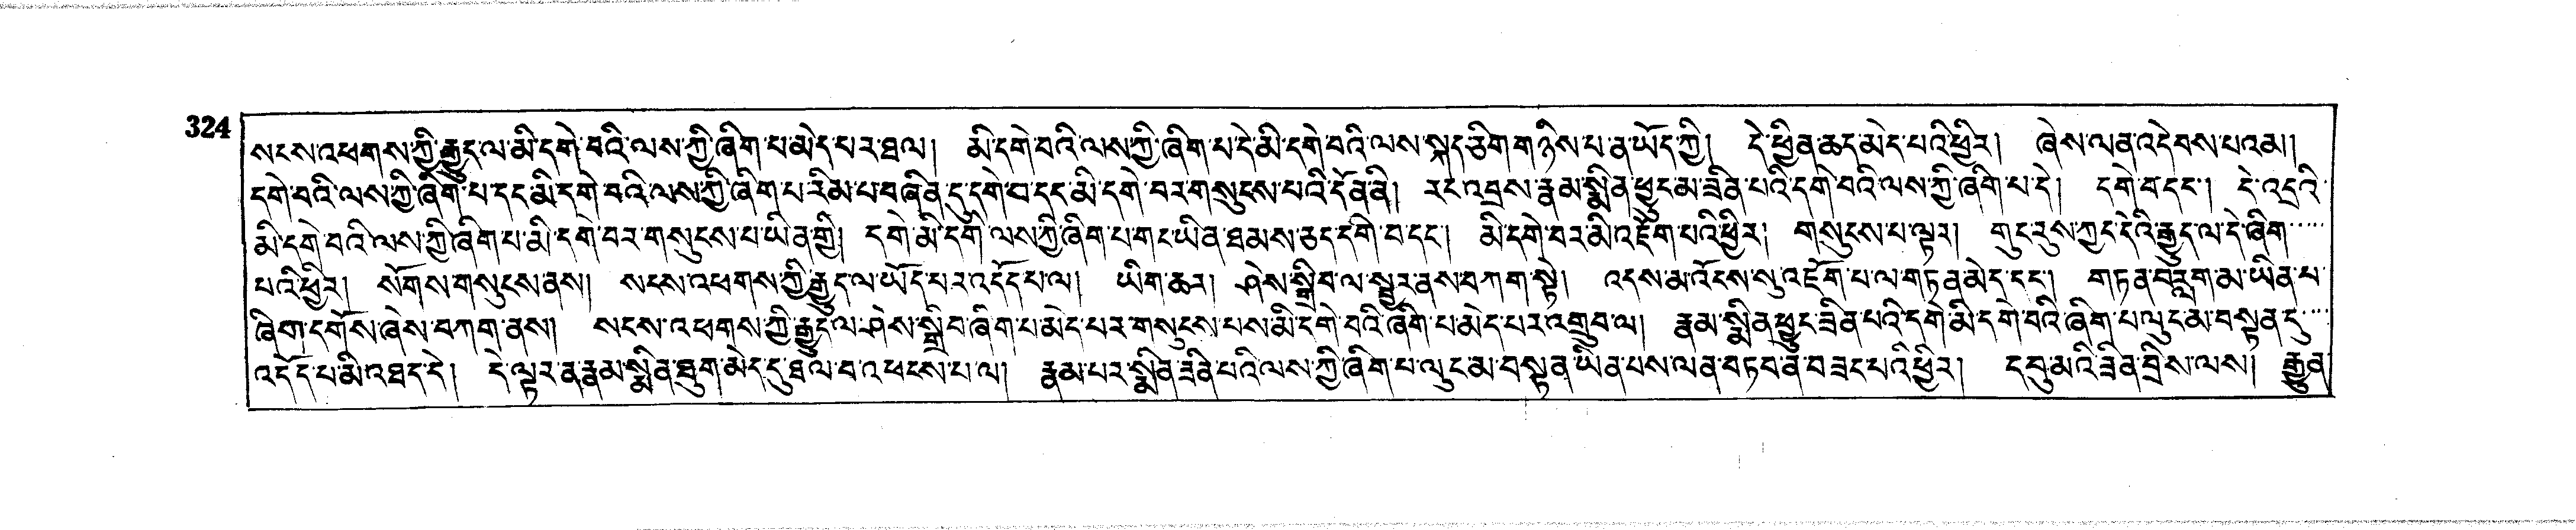སངས་འཕགས་ཀྱི་རྒྱུད་ལ་མི་དགེ་བའི་ལས་ཀྱི་ཞིག་པ་མེད་པར་ཐལ། མི་དགེ་བའི་ལས་ཀྱི་ཞིག་པ་དེ་མི་དགེ་བའི་ལས་སྐད་ཅིག་གཉིས་པ་ན་ཡོད་ཀྱི། དེ་ཕྱིན་ཆད་མེད་པའི་ཕྱིར། ཞེས་ལན་འདེབས་པའམ།
དགེ་བའི་ལས་ཀྱི་ཞིག་པ་དང་མི་དགེ་བའི་ལས་ཀྱི་ཞིག་པ་རིམ་པ་བཞིན་དུ་དགེ་བ་དང་མི་དགེ་བར་གསུངས་པའི་དོན་ནི། རང་འབྲས་རྣམ་སྨིན་ཕྱུང་མ་ཟིན་པའི་དགེ་བའི་ལས་ཀྱི་ཞིག་པ་དེ། དགེ་བ་དང་། དེ་འདྲའི་
མི་དགེ་བའི་ལས་ཀྱི་ཞིག་པ་མི་དགེ་བར་གསུངས་པ་ཡིན་གྱི། དགེ་མི་དགེ་ལས་ཀྱི་ཞིག་པ་གང་ཡིན་ཐམས་ཅད་དགེ་བ་དང་། མི་དགེ་བར་མི་འཇོག་པའི་ཕྱིར། གསུངས་པ་ལྟར། གུང་རུས་ཀྱང་དེའི་རྒྱུད་ལ་དེ་ཞིག་
པའི་ཕྱིར། སོགས་གསུངས་ནས། སངས་འཕགས་ཀྱི་རྒྱུད་ལ་ཡོད་པར་འདོད་པ་ལ། ཡིག་ཆར། ཤེས་སྒྲིབ་ལ་སྦྱར་ནས་བཀག་སྟེ། འདས་མ་འོངས་སུ་འཇོག་པ་ལ་གཏན་མེད་དང་། གཏན་བརླག་མ་ཡིན་པ་
ཞིག་དགོས་ཞེས་བཀག་ནས། སངས་འཕགས་ཀྱི་རྒྱུད་ལ་ཤེས་སྒྲིབ་ཞིག་པ་མེད་པར་གསུངས་པས་མི་དགེ་བའི་ཞིག་པ་མེད་པར་འགྲུབ་ལ། རྣམ་སྨིན་ཕྱུང་ཟིན་པའི་དགེ་མི་དགེ་བའི་ཞིག་པ་ལུང་མ་བསྟན་དུ་
འདོད་པ་མི་འཐད་དེ། དེ་ལྟར་ན་རྣམ་སྨིན་ཐུག་མེད་དུ་ཐལ་བ་འཕངས་པ་ལ། རྣམ་པར་སྨིན་ཟིན་པའི་ལས་ཀྱི་ཞིག་པ་ལུང་མ་བསྟན་ཡིན་པས་ལན་བཏབ་ན་བཟང་པའི་ཕྱིར། དབུ་མའི་ཟིན་བྲིས་ལས། རྒྱུན་